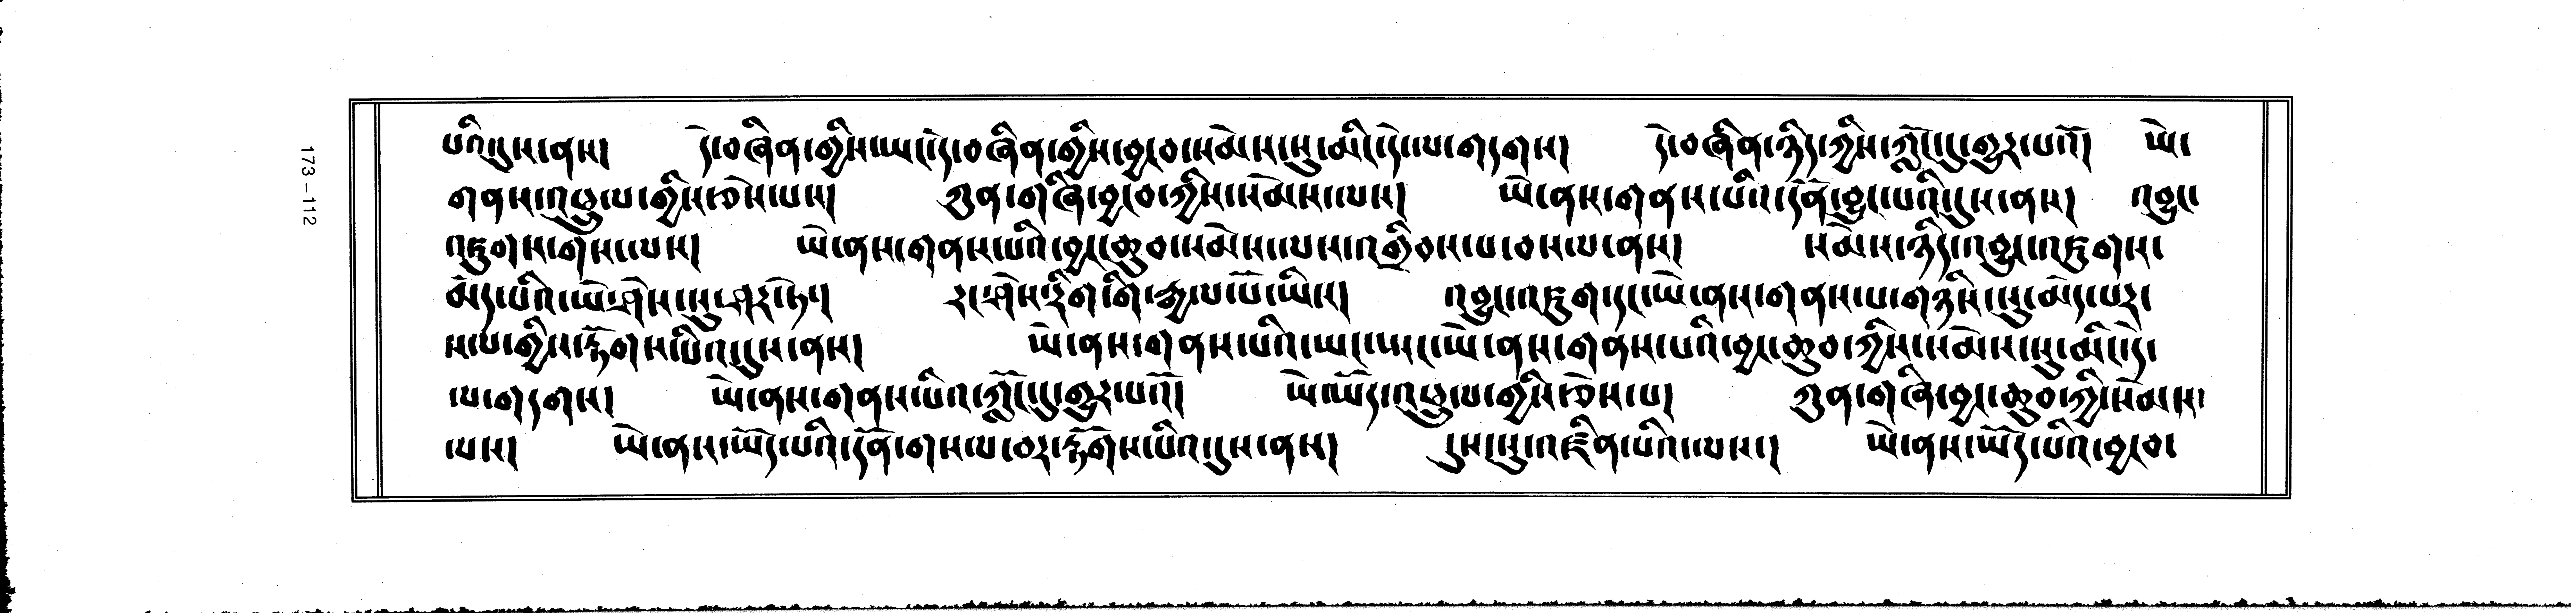པའི་དུས་ན། དེ་བཞིན་གྱིས་ཡང་དེ་བཞིན་གྱིས་བྱང་ཆུབ་སེམས་སུ་མིང་དེ་ལ་གདགས། དེ་བཞིན་ཉིད་ཀྱི་ཀློང་དུ་གྱུར་པའོ། །ཡེ་
གནས་འཕྲུལ་གྱིས་ཅེས་པས། ཀུན་གཞི་བྱང་ཆུབ་ཀྱི་སེམས་ལས། ཡེ་ནས་གནས་པའི་དོན་བྱུང་བའི་དུས་ན། འབྱུང་
འཇུག་གི་ལས། ཡེ་ནས་གནས་པའི་བྱང་ཆུབ་སེམས་ལས་འགྲིབ་པ་བསལ་ནས། སེམས་ཉིད་འབྱུང་འཇུག་
མེད་པའི་ཡེ་ཤེས་སུ་ཤར་ཏེ། རང་ཤེས་རིག་གི་རྒྱལ་པོ་ཡིས་འབྱུང་འཇུག་དང་ཡེ་ནས་གནས་པ་གཉིས་སུ་མེད་པར་
སལ་གྱིས་རྟོགས་པའི་དུས་ན། ཡེ་ནས་གནས་པའི་ཡང་ཡེ་ནས་གནས་པའི་བྱང་ཆུབ་ཀྱི་སེམས་སུ་ཡང་མིང་དེ་
ལ་གདགས། ཡེ་ནས་གནས་པའི་ཀློང་དུ་གྱུར་པའོ། །ཡེ་ཡོད་འཕྲུལ་གྱིས་ཅེས་པས། ཀུན་གཞི་བྱང་ཆུབ་ཀྱི་སེམས་
ལས། ཡེ་ནས་ཡོད་པའི་དོན་གསལ་བར་རྟོགས་པའི་དུས་ན། དུས་སུ་འཛིན་པའི་ལས་ནི། ཡེ་ནས་ཡོད་པའི་བྱང་ཆུབ་